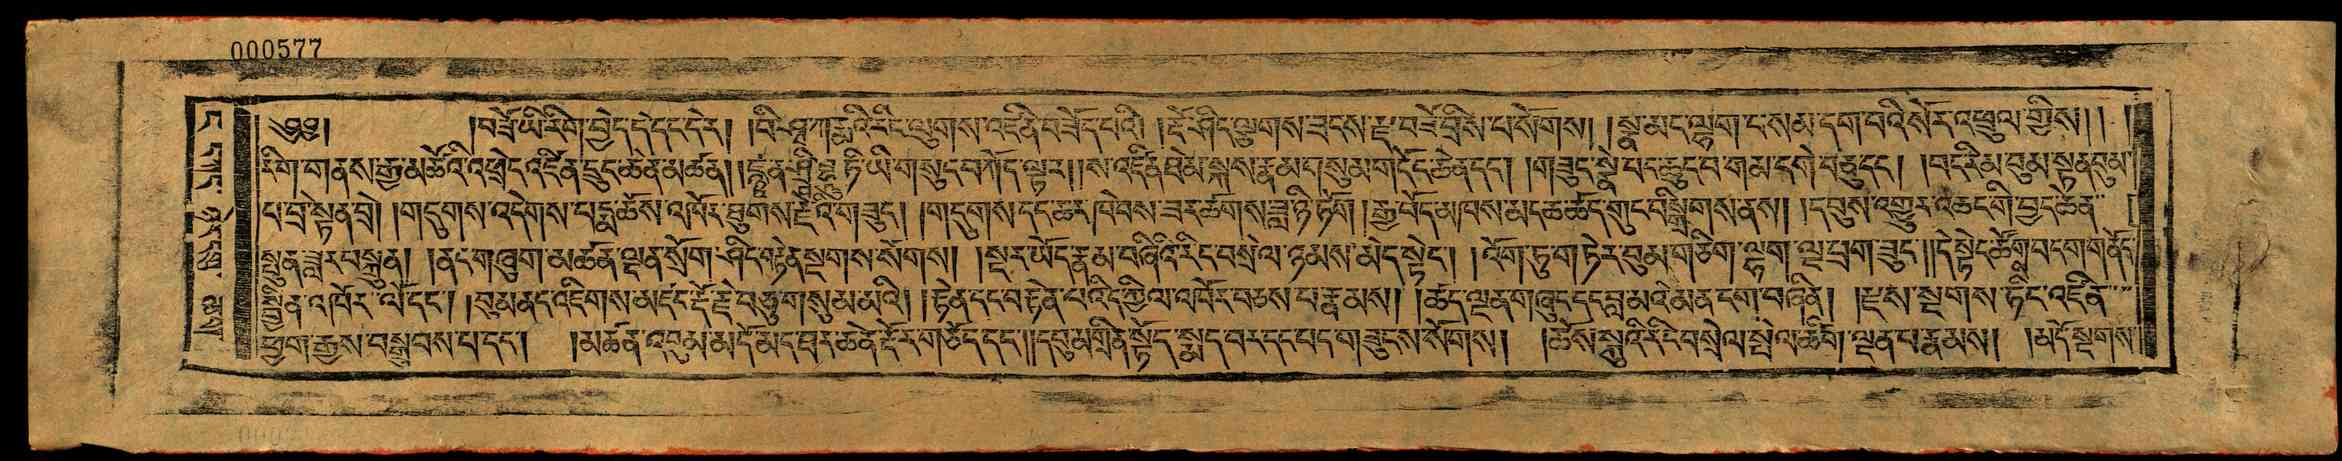༄༅། །བཟོ་ཡི་རིག་བྱེད་དེ་དང་དེར། །བི་ཤྭ་ཀརྨའི་རིང་ལུངས་འཛིན་བཟོད་པའི། །རྡོ་ཤིང་ལྕགས་ཟངས་རྫ་བཟློ་བྲིས་པ་སོགས། །སྣ་མང་ལྷག་བསམ་དག་པའི་སོར་འཕྲུལ་གྱིས། །
རིག་གནས་རྒྱ་མཚོའི་འཕྲེང་འཛིན་དྲུང་ཆེན་མཚན། །ཛྙཱ་ན་ཤྲཱི་བྷཱུ་ཏི་ཡི་གསུང་བཀོད་ལྟར། །ས་འཛིན་ཐེམ་སྐས་རྣམ་གསུམ་གདོང་ཆེན་དང་། །གཟུང་སྣེ་བད་ཆུང་བ་གམ་དགེ་བཅུ་དང་། །བང་རིམ་བུམ་སྟན་བུམ་
པ་བྲེ་སྟན་བྲེ། །གདུགས་འདེགས་པདམ་ཆོས་འཁོར་ཐུགས་རྗེའི་གཟུང་། །གདུགས་དང་ཆར་ཁེབས་ཟར་ཚགས་ཟླ་ཉི་ཏོག །རྒྱ་བོད་མཁས་མང་ཆ་ཚང་གུང་བསྒྲགས་ནས། །དབུས་འགྱུར་འཆང་གི་བྱང་ཆེན་
སྤུན་ཟླར་བསྐྲུན། །ནང་གཞུག་མཚན་ལྡན་སྲོག་ཤིང་བརྟེན་སྔགས་སོགས། །སྔར་ཡོད་རྣམ་བཞིའི་རིང་བསྲིལ་ཉམས་མེད་སྟེང་། །འོག་ཏུ་གཏེར་བུམ་གཅིག་ལྷག་ལྔ་ཕྲག་ཟུང་། །དེ་སྟེང་ཚོགས་བདག་གནོད་
སྦྱིན་འཁོར་ལོ་དང་། །བུམ་ནང་འཇིགས་མཛད་རྡོ་རྗེ་བཅུ་གསུམ་མའི། །རྟེན་དང་བརྟེན་པའི་དཀྱིལ་འཁྲོ་བཅས་པ་རྣམས། །ཚད་ལྡན་གཞུང་དང་བླ་མའི་མན་ངག་བཞིན། །རྫས་སྔགས་ཏིང་འཛིན་
ཕྱག་རྒྱས་བསྒྲུབས་པ་དང་། །མཚན་འབམ་མདོ་མང་ཐར་ཆེན་རྡོར་གཅོད་དང་། །དབུ་མགྲིན་སྟོད་སྨད་བར་དང་མད་གཟུངས་སོགས། །ཆོས་སྐུའི་རིང་བསྲེལ་སྤེལ་ཆོག་ལྡན་པ་རྣམས། །མདོ་སྔགས་